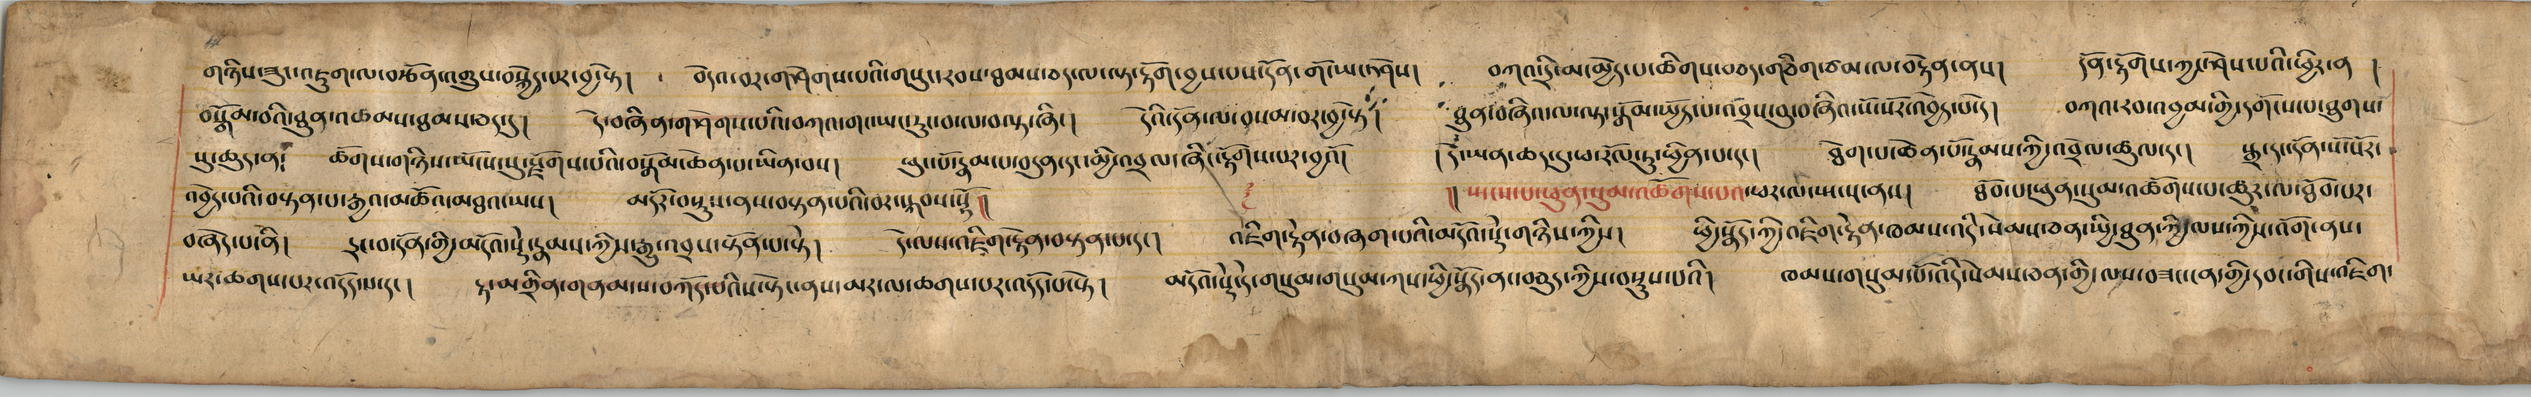གཉིས་ཟུང་འཇུག་ལ་བརྩོན་འགྲུས་བསྐྱེད་པར་བྱ་སྟེ། བདེའ་བར་གཤེགས་པའི་གསུང་རབས་ཐམས་ཅད་ལ་ལྟ་རྟོག་བྱས་པས་དོན་གོ་ཡང་ཤེས། བཀའ་དྲི་མ་མྱེད་པ་ཚིགས་བཅད་གཅིག་ཙམ་ལ་བརྟེན་ནས། དོན་རྟོགས་ཀྱང་ཤེས་པའི་ཕྱིར་ན །
བསྒོམ་བའི་ཐུན་འཚམས་ཐམས་ཅད་དུ། དེ་བཞིན་གཤེགས་པའི་བཀའ་གང་ཡང་རུང་བ་ལ་བལྟ་ཞིང། དེའི་དོན་ལ་བསམ་བར་བྱ་སྟེ། ཐུན་བཞིའ་ལ་ལྟ་སྒོམ་སྤྱོད་པ་འབྲས་བུ་བཞཱིའ་སོ་སོར་འབྱེད་པ་དེ། བཀའ་རབ་འབྱམ་གྱི་དགོངས་པ་ཐུགས་
སུ་ཆུད་ན: ཚོགས་གཉིས་ཡོངས་སུ་སྫོགས་པའི་བསྒོམ་ཆེན་པ་ཡིན་བས། ཕུང་པོ་རྣམ་པ་བདུན་དང་མྱི་འབྲལ་ཞིང་རྟོགས་པར་བྱའོ། ། དེ་ཡན་ཆད་དུ་ཕ་རོལ་ཏུ་ཕྱིན་པ་དང། ཐེག་པ་ཆེན་པོ་རྣམས་ཀྱི་འབྲེལ་ཚུལ་དང། སྒྲ་དང་དོན་སོ་སོར་
འབྱེད་པའི་བསྟན་པ་རྒྱའ་མཚོའ་མཐའ་ཡས། མདོར་བསྡུས་ནས་བསྟན་པའི་བར་སྐབས་སོ །། ༈ །། ཡངས་པ་ཕུན་སུམ་འཚོགས་པའ་ཕར་ལ་ཡངས་ནས། ཐོབ་པ་ཕུན་སུམ་འཚོགས་པ་ཚུར་ལ་ཐོབ་པར་
བཞེད་པ་ནི། དྲང་བ་དོན་གྱི་མདོའ་སྡེ་རྣམས་ཀྱིས་རྒྱུ་འབྲས་སྟོན་པ་སྟེ། དེ་ལས་འཇིག་རྟེན་བསྟན་པ་དང། འཇིག་རྟེན་བཞག་པའི་མདཔའ་སྡེ་གཉིས་ཀྱིས། ཕྱི་སྣོད་ཀྱི་འཇིག་རྟེན་ཁམས་འདི་སེམས་ཅན་སྤྱི་ཐུན་ཀྱི་ལས་ཀྱིས་འོག་ནས་
ཡར་ཆགས་པར་འདོད་པ་དང། རྟ་མགྲིན་གནམ་ས་བཀོད་པའི་ས་སྟེང་ནས་དམར་ལ་ཆགས་པར་འདོད་པ་སྟེ། མདོའ་སྡེ་དེ་གསུམ་གསུམ་ཀས་ཕྱི་སྣོད་ནང་བཅུད་ཀྱིས་བསྡུས་པའི། ཁམས་གསུམ་པོ་འདི་སེམས་ཅན་གྱི་ལས་བཟང་ངན་གྱི་དབང་གིས་འཇིག་